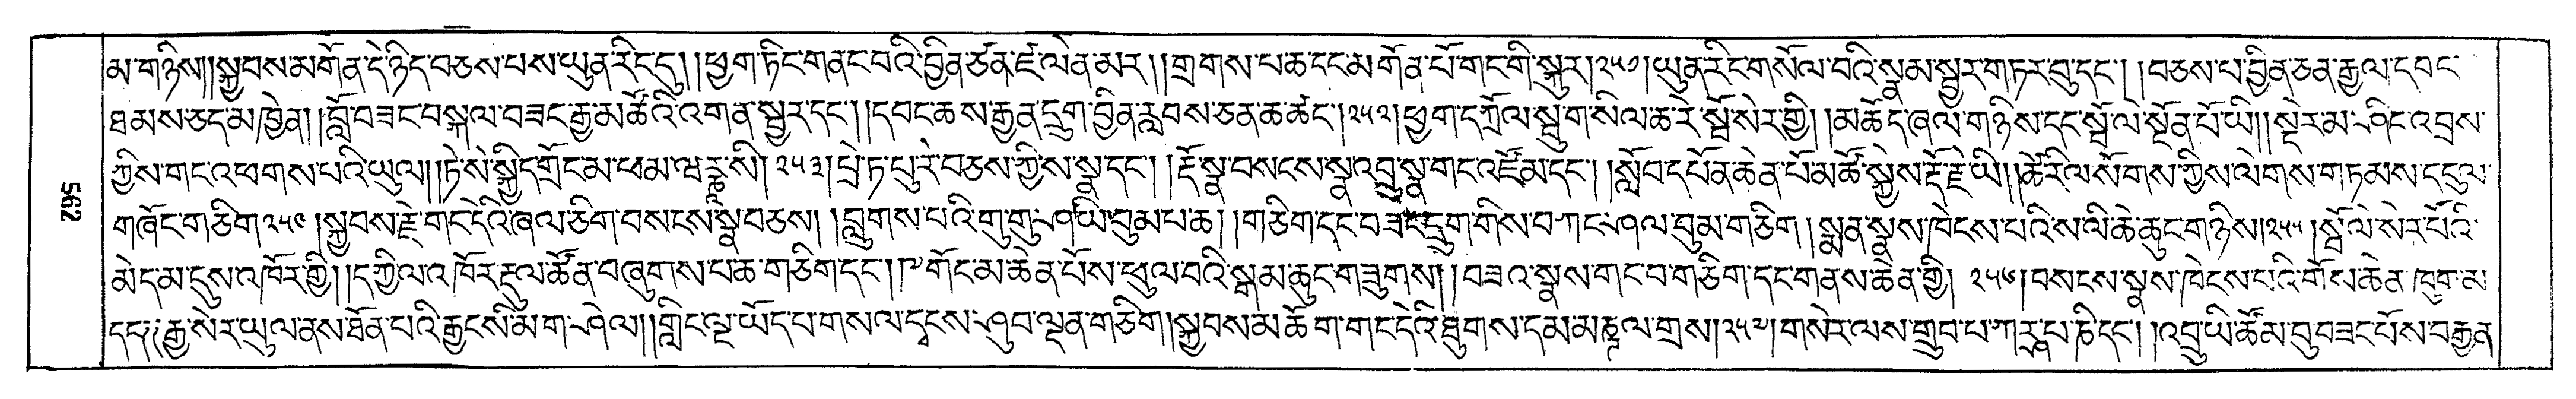མ་གཉིས། །སྐྱབས་མགོན་དེ་ཉིད་བཅས་པས་ཡུན་རིང་དུ། །ཕྱག་ཏིང་གནང་བའི་བྱིན་ཅན་ཇ་ལེན་མར། །གྲགས་པ་ཆ་དང་མགོན་པོ་གང་གི་སྐུར། ༢༥༡་།ཡུན་རིང་གསོལ་བའི་སྣམ་སྦྱར་གཏར་བུ་དང་། །བཅས་པ་བྱིན་ཅན་རྒྱལ་དབང་
ཐམས་ཅད་མཁྱེན། །བློ་བཟང་བསྐལ་བཟང་རྒྱ་མཚོའི་འགན་སྦྱར་དང་། །དབང་ཆས་རྒྱན་དྲུག་བྱིན་རླབས་ཅན་ཆ་ཚང་། ༢༥༢་།ཕྱག་དཀྲོལ་སྦུག་སིལ་ཆ་རེ་སྦོ་སེར་གྱི། །མཆོད་ཞལ་གཉིས་དང་སྦོ་ལེ་སྔོན་པོ་ཡི། །སྔེར་མ་ཤིང་འབྲས་
ཀྱིས་གང་འཕགས་པའི་ཡུལ། །ཏེ་སེ་སྐྱིད་གྲོང་མ་ཕམ་ཝརྞ་སི། ༢༥༣་།པྲེ་ཏ་པུ་རེ་བཅས་ཀྱི་ས་སྣ་དང་། །རྡོ་སྣ་བསངས་སྣ་འབྲུ་སྣ་གང་འཛོམ་དང་། །སློབ་དཔོན་ཆེན་པོ་མཚོ་སྐྱེས་རྡོ་རྗེ་ཡི། །ཚེ་རིལ་སོགས་ཀྱིས་ལགས་གཏམས་དངུལ་
གཞོང་གཅིག ༢༥༤་།སྐྱབས་རྗེ་གང་དེའི་ཞལ་ཙིག་བསངས་སྣ་བཅས། །བླུགས་པའི་གུ་གུ་ཤ་ཡི་བུམ་པ་ཆ། །གཅིག་དང་བཟང་དྲུག་གིས་བཀང་ཤེལ་བུམ་གཅིག། །སྨན་སྣས་ཁེངས་པའི་ས་ལི་ཆེ་ཆུང་གཉིས། ༢༥༥། སྤོ་ལེ་སེར་པོའི་
མེ་དམ་དུས་འཁོར་གྱི། །དཀྱིལ་འཁོར་རྡུལ་ཚོན་བཞུགས་པ་ཆ་གཅིག་དང་། །༧་གོང་མ་ཆེན་པོས་ཕུལ་བའི་སྒམ་ཆུང་གཟུགས། །བཟའ་སྣས་གང་བ་གཅིག་དང་གནས་ཆེན་གྱི། ༢༥༦་།བསངས་སྣས་ཁེངས་པའི་གོས་ཆེན་ཁུག་མ་
དང༑ ༑རྒྱ་སེར་ཡུལ་ནས་ཐོན་པའི་རྒྱངས་མིག་ཤེལ། །གླིང་ལྔ་ཡོད་པ་གསལ་དྭངས་ཤུབ་ལྡན་གཅིག། སྐྱབས་མཆོག་གང་དེའི་ཐུགས་དམ་མཎྜལ་གྲས། ༢༥༧་།གསེར་ལས་གྲུབ་པ་ཀརྴ་པ་ཎི་དང་། །འབྲུ་ཡི་ཚོམ་བུ་བཟང་པོས་བརྒྱན་